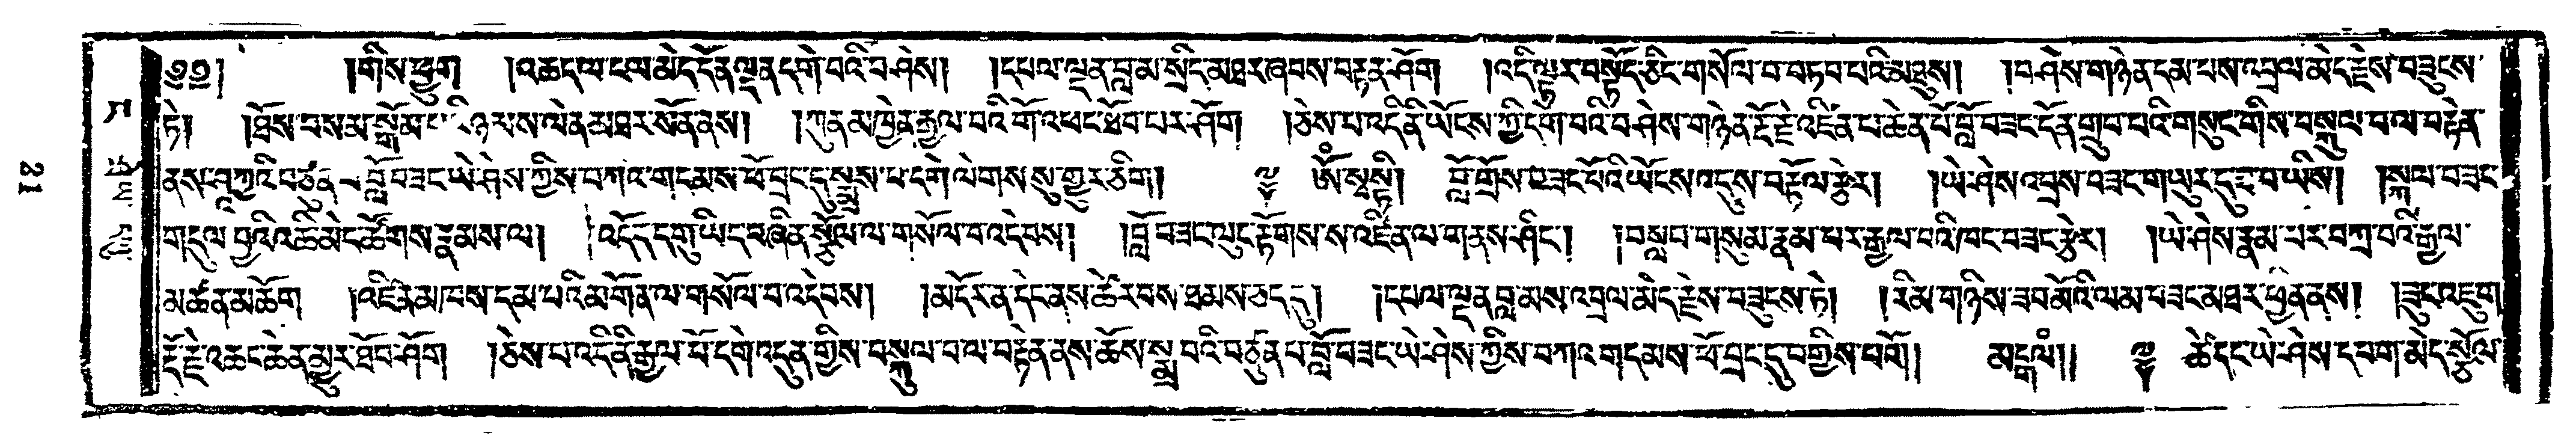༄༅། །གིས་ཕྱུག །འཆད་ལ་ངལ་མེད་དོན་ལྡན་དགེ་བའི་བཤེས། །དཔལ་ལྡན་བླ་མ་སྲིད་མཐར་ཞབས་བརྟན་ཤོག །འདི་ལྟར་བསྟོད་ཅིང་གསོལ་བ་བཏབ་པའི་མཐུས། །བཤེས་གཉེན་དམ་པས་འབྲལ་མེད་རྗེས་བཟུངས་
ཏེ། །ཐོས་བསམ་སྒོམ་པའི་ཉམས་ལེན་མཐར་སོན་ནས། །ཀུན་མཁྱེན་རྒྱལ་བའི་གོ་འཕང་ཐོབ་པར་ཤོག །ཅེས་པ་འདི་ནི་ཡོངས་ཀྱི་དགེ་བའི་བཤེས་གཉེན་རྡོ་རྗེ་འཛིན་པ་ཆེན་པོ་བློ་བཟང་དོན་གྲུབ་པའི་གསུང་གིས་བསྐུལ་བ་ལ་བརྟེན་
ནས་ཤཱཀྱའི་བཙུན་པ་བློ་བཟང་ཡེ་ཤེས་ཀྱིས་བཀའ་གདམས་ཕོ་བྲང་དུ་སྨྲས་པ་དགེ་ལེགས་སུ་གྱུར་ཅིག། ༈ཨོཾ་སྭསྟི། བློ་གྲོས་བཟང་པོའི་ཡོངས་འདུས་བརྟོལ་རྩེར། །ཡེ་ཤེས་འབྲས་བཟང་གཡུར་དུ་ཟ་བ་ཡིས། །སྐལ་བཟང་
གདུལ་བྱའི་འཆི་མེད་ཚོགས་རྣམས་ལ། །འདོད་དགུ་ཡིད་བཞིན་སྩོལ་ལ་གསོལ་བ་འདེབས། །བློ་བཟང་ལུང་རྟོགས་ས་འཛིན་ལ་གནས་ཤིང་། །བསླབ་གསུམ་རྣམ་པར་རྒྱལ་བའི་ཁང་བཟང་རྩེར། །ཡེ་ཤེས་རྣམ་པར་བཀྲ་བའི་རྒྱལ་
མཚན་མཆོག །འཛིན་མཁས་དམ་པའི་མགོན་ལ་གསོལ་བ་འདེབས། །མདོར་ན་དེང་ནས་ཚེ་རབས་ཐམས་ཅད་དུ། །དཔལ་ལྡན་བླ་མས་འབྲལ་མེད་རྗེས་བཟུངས་ཏེ། །རིམ་གཉིས་ཟབ་མོའི་ལམ་བཟང་མཐར་ཕྱིན་ནས། །ཟུང་འཇུག་
རྡོ་རྗེ་འཆང་ཆེན་མྱུར་ཐོབ་ཤོག །ཅེས་པ་འདི་ནི་རྒྱལ་པོ་དགེ་འདུན་གྱིས་བསྐུལ་བ་ལ་བརྟེན་ནས་ཆོས་སྨྲ་བའི་བཙུན་པ་བློ་བཟང་ཡེ་ཤེས་ཀྱིས་བཀའ་གདམས་ཕོ་བྲང་དུ་བགྱིས་པའོ།། མངྒཾ།། ༈ ཚེ་དང་ཡེ་ཤེས་དཔག་མེད་སྩོལ་